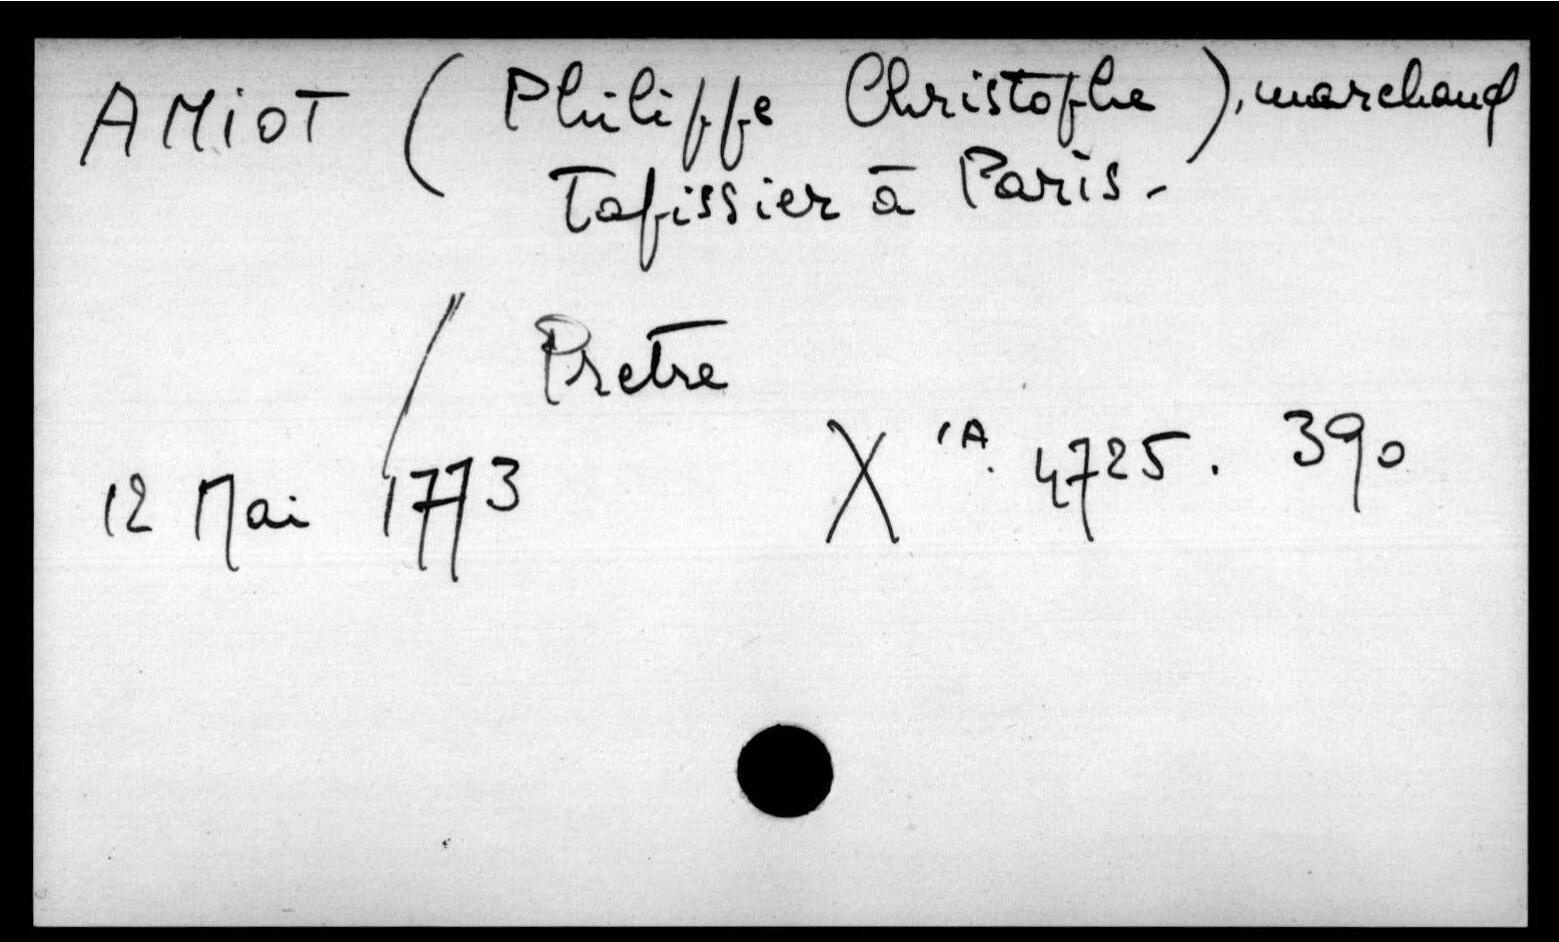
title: AMIOT (Philippe Christophe), marchand tapissier à Paris.
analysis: Contre Pretre
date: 12 mai 1773
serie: X1A
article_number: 4725
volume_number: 390
